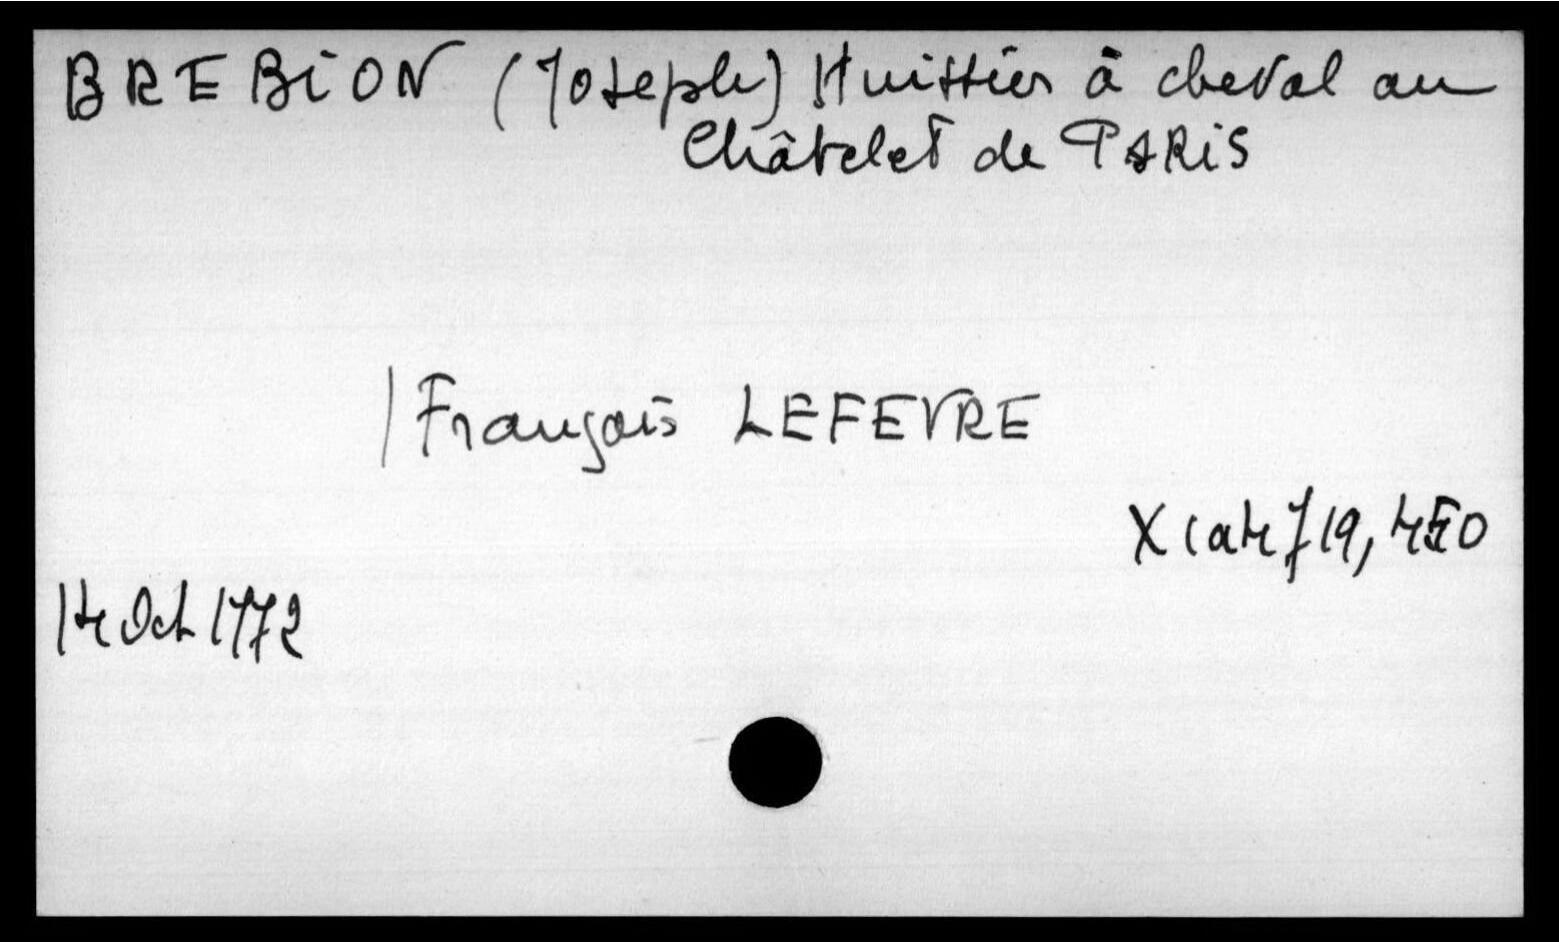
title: BREBION (Joseph) Huissier à Cheval au Châtelet de Paris
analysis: Contre François LEFEVRE
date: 14 octobre 1772
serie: X1a
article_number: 4719
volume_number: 450
